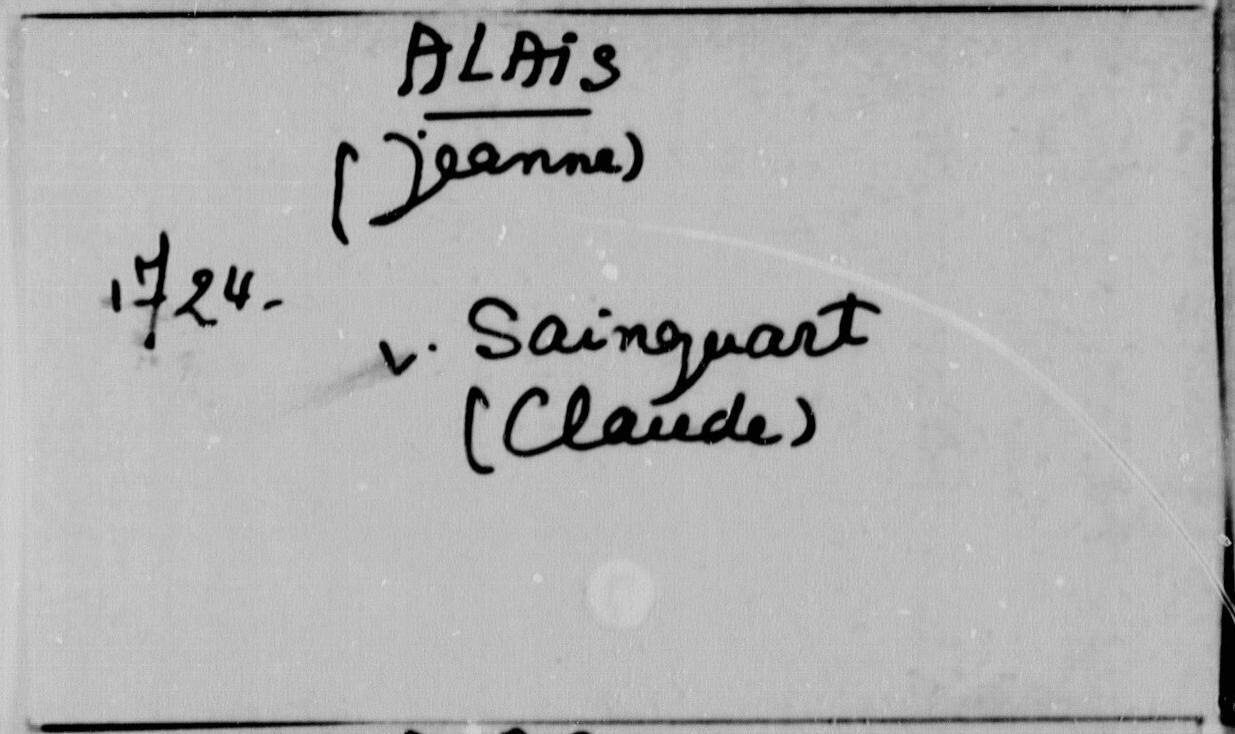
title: ALAIS (Jeanne)
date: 1724
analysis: Voir SAINGUART (Claude)
